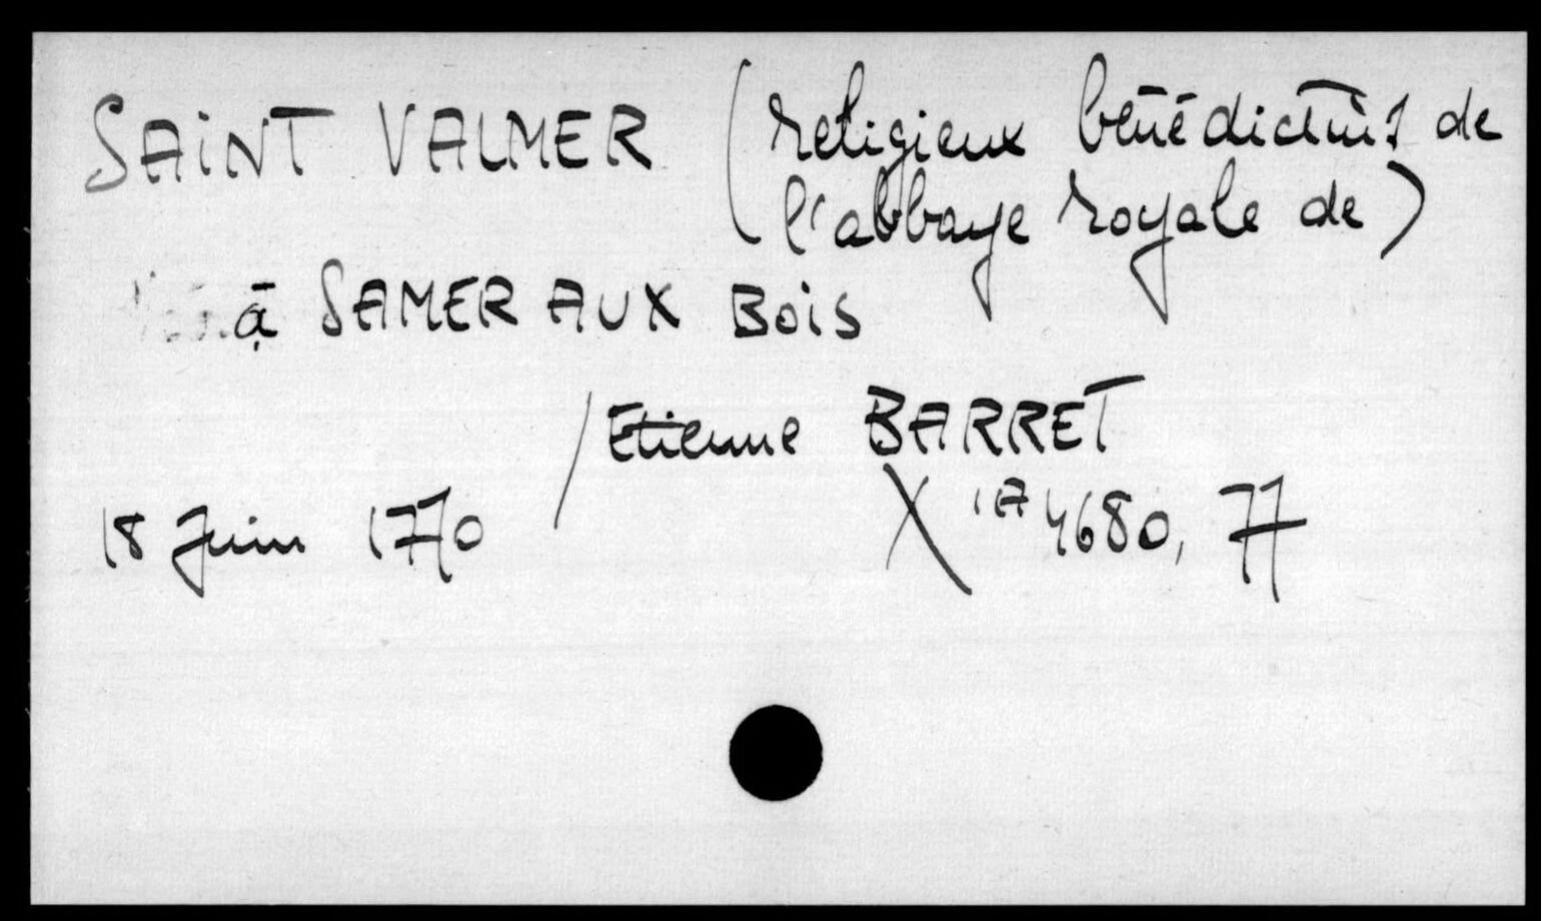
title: SAINT VALMER (Religieux bénédictins de l'abbaye royale de) à SAMER AUX BOIS
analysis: Contre Étienne BARRET
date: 18 juin 1770
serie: X1A
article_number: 4680
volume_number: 77
